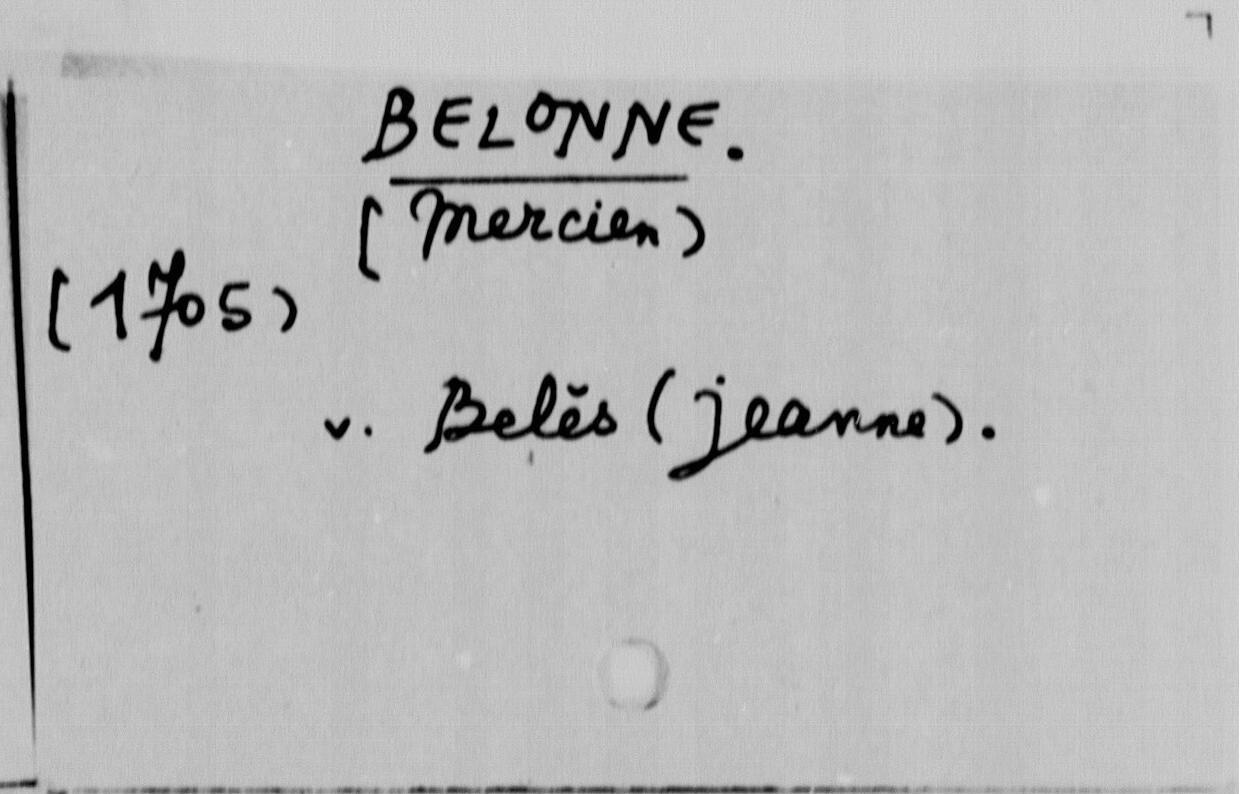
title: BELONNE (Mercien)
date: [1705]
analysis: Voir Belès (Jeanne)
